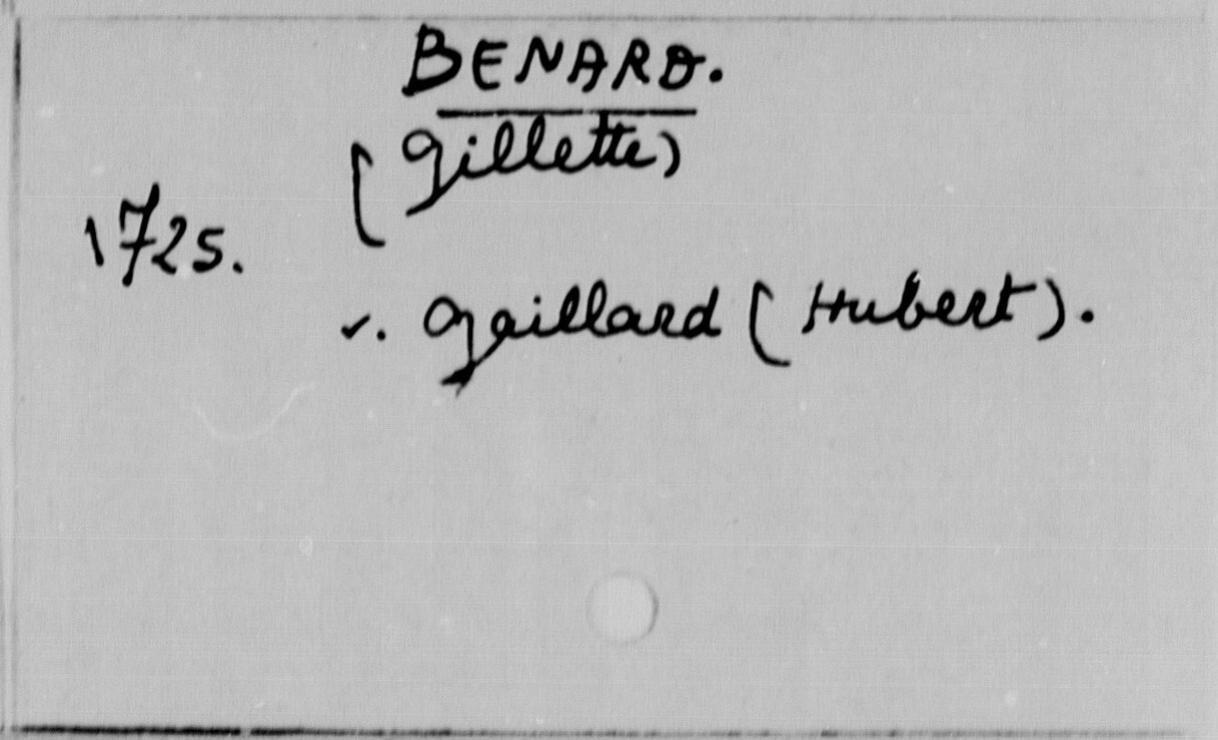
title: BENARD (Gillette)
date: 1725
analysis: Voir GAILLARD (Hubert)
